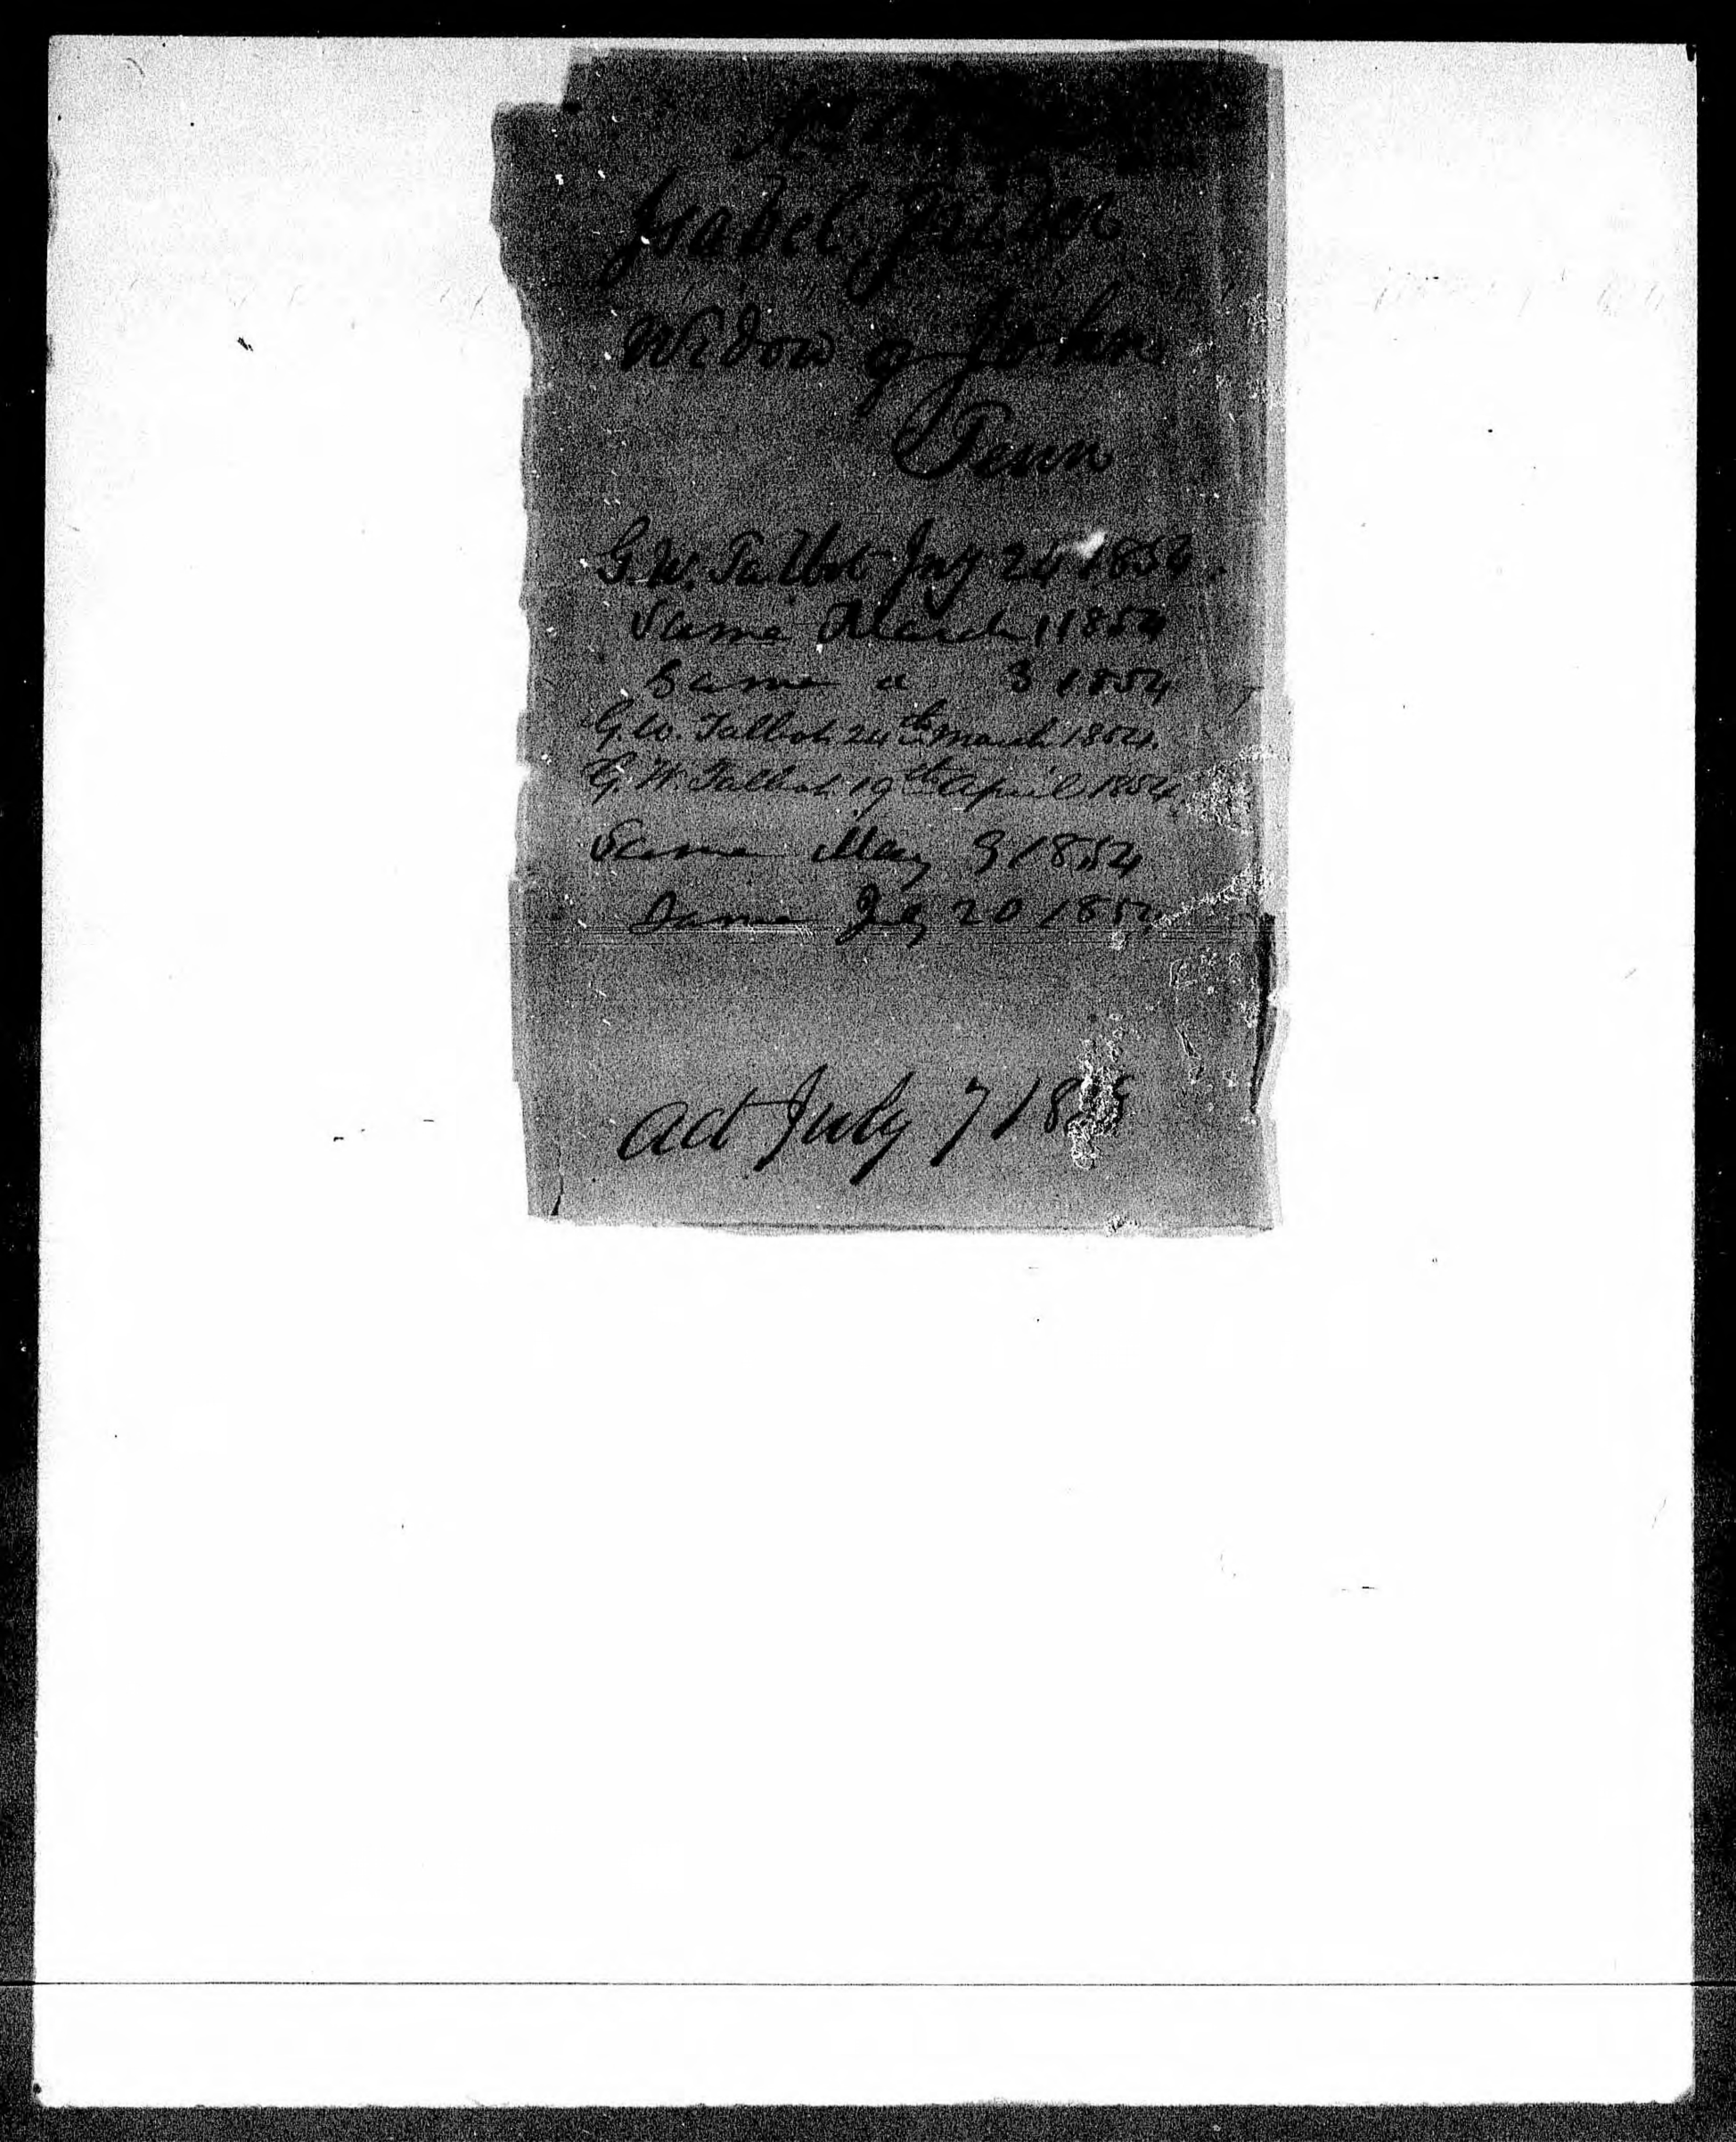[illegible]
Isabel Grider
Widow of John
Tenn


G.W.Talbot Jny 24 1854
Same March 1 1854
same   "    3 1854
G.W.Talbot 24th March 1854
G.W. Talbot 19th April 1854
Same   May 9 1854
same July 20 1854

Act July 7 1838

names: G W Talbot, Isabel Grider, John Grider, G W Talbot, G W Talbot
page: 79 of 91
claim: widow's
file: W 358, John Grider, N.C.